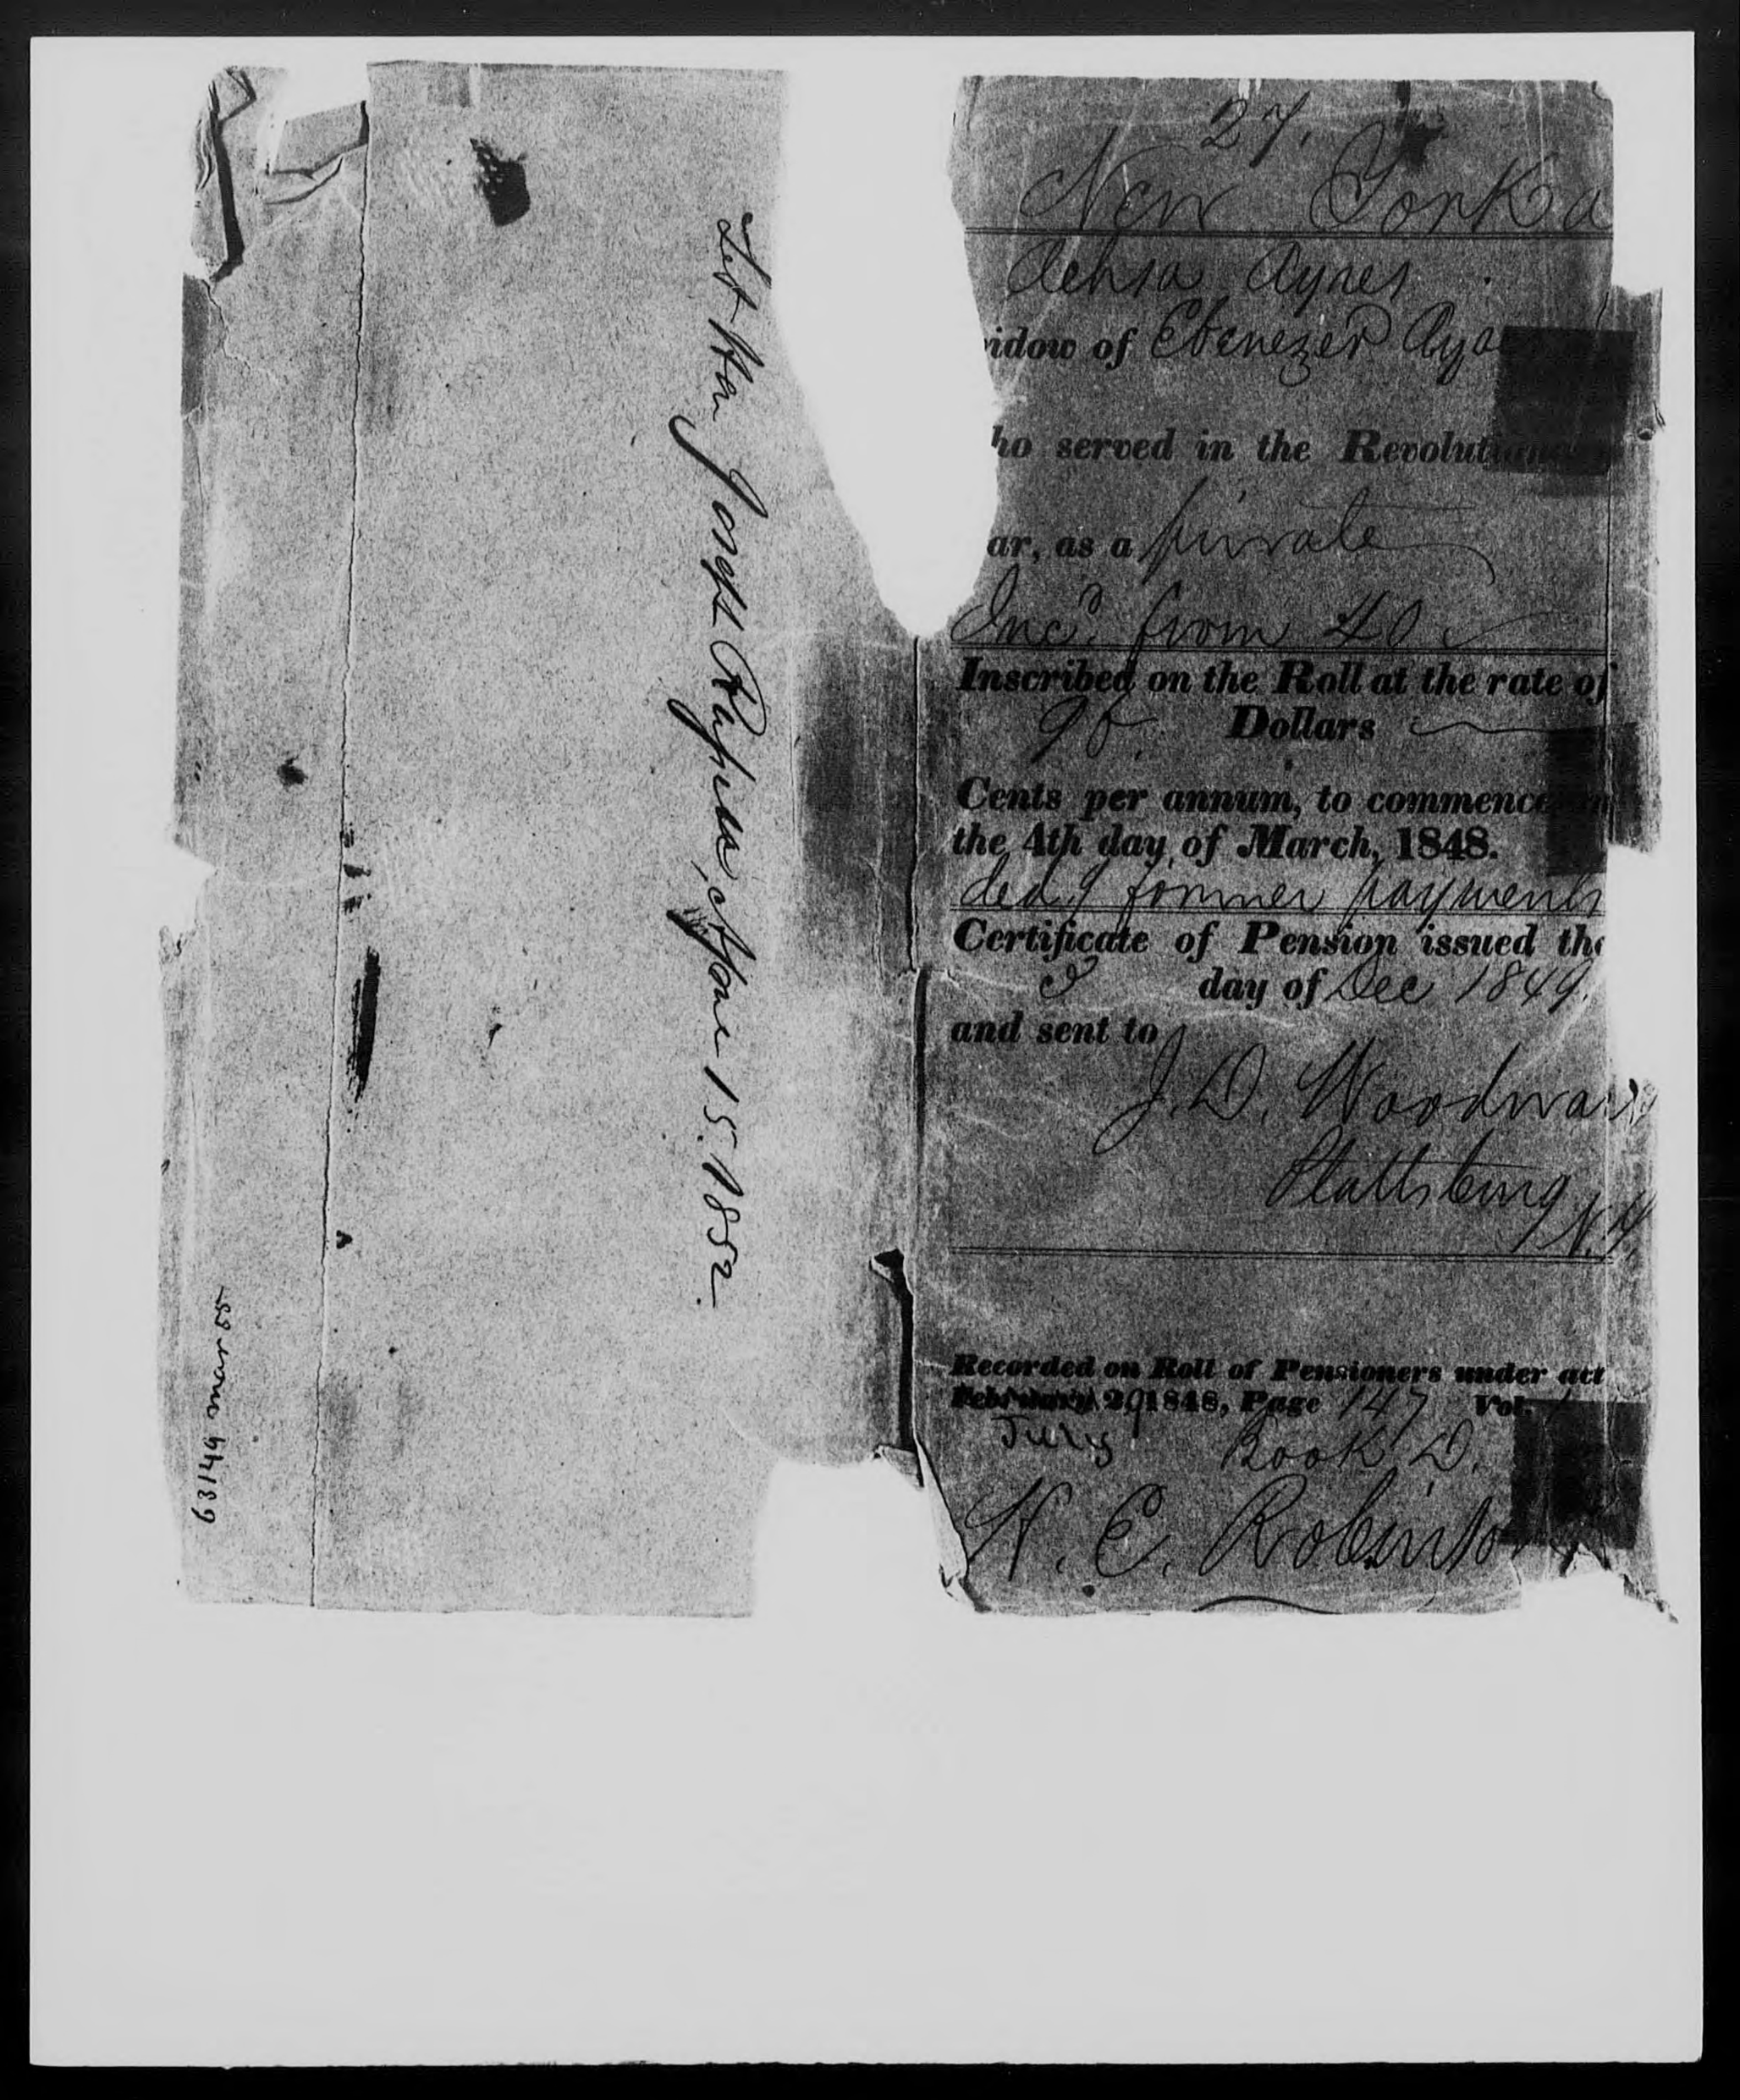Let Hon Joseph Rapeta A[ril 15, 1852
27
New York
Acsha Ayres widow of Ebenezer Ayres who served in the Revolutionary [W]ar, as a private
Incd. from 40
Inscribed on Roll at the rate of 90 Dollars ~~Cents per annum, to commence the 4th day of March, 1848.
ded 9 former payments
Certificate of Pension issued the 3 day of Dec 1849. and sent to J. D. Woodward 
Plattsburg N. Y.
Recorded on Roll of Pensioners under act February 9, 1848, Page 147 Vol. -- 
July 9 Book D.
H. E. Robinson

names: Ebenezer Ayres, J D Woodward, Achsa Ayres, H E Robinson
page: 10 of 50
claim: widow's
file: W. 8559, Ebenezer Ayer, Continental (Conn)